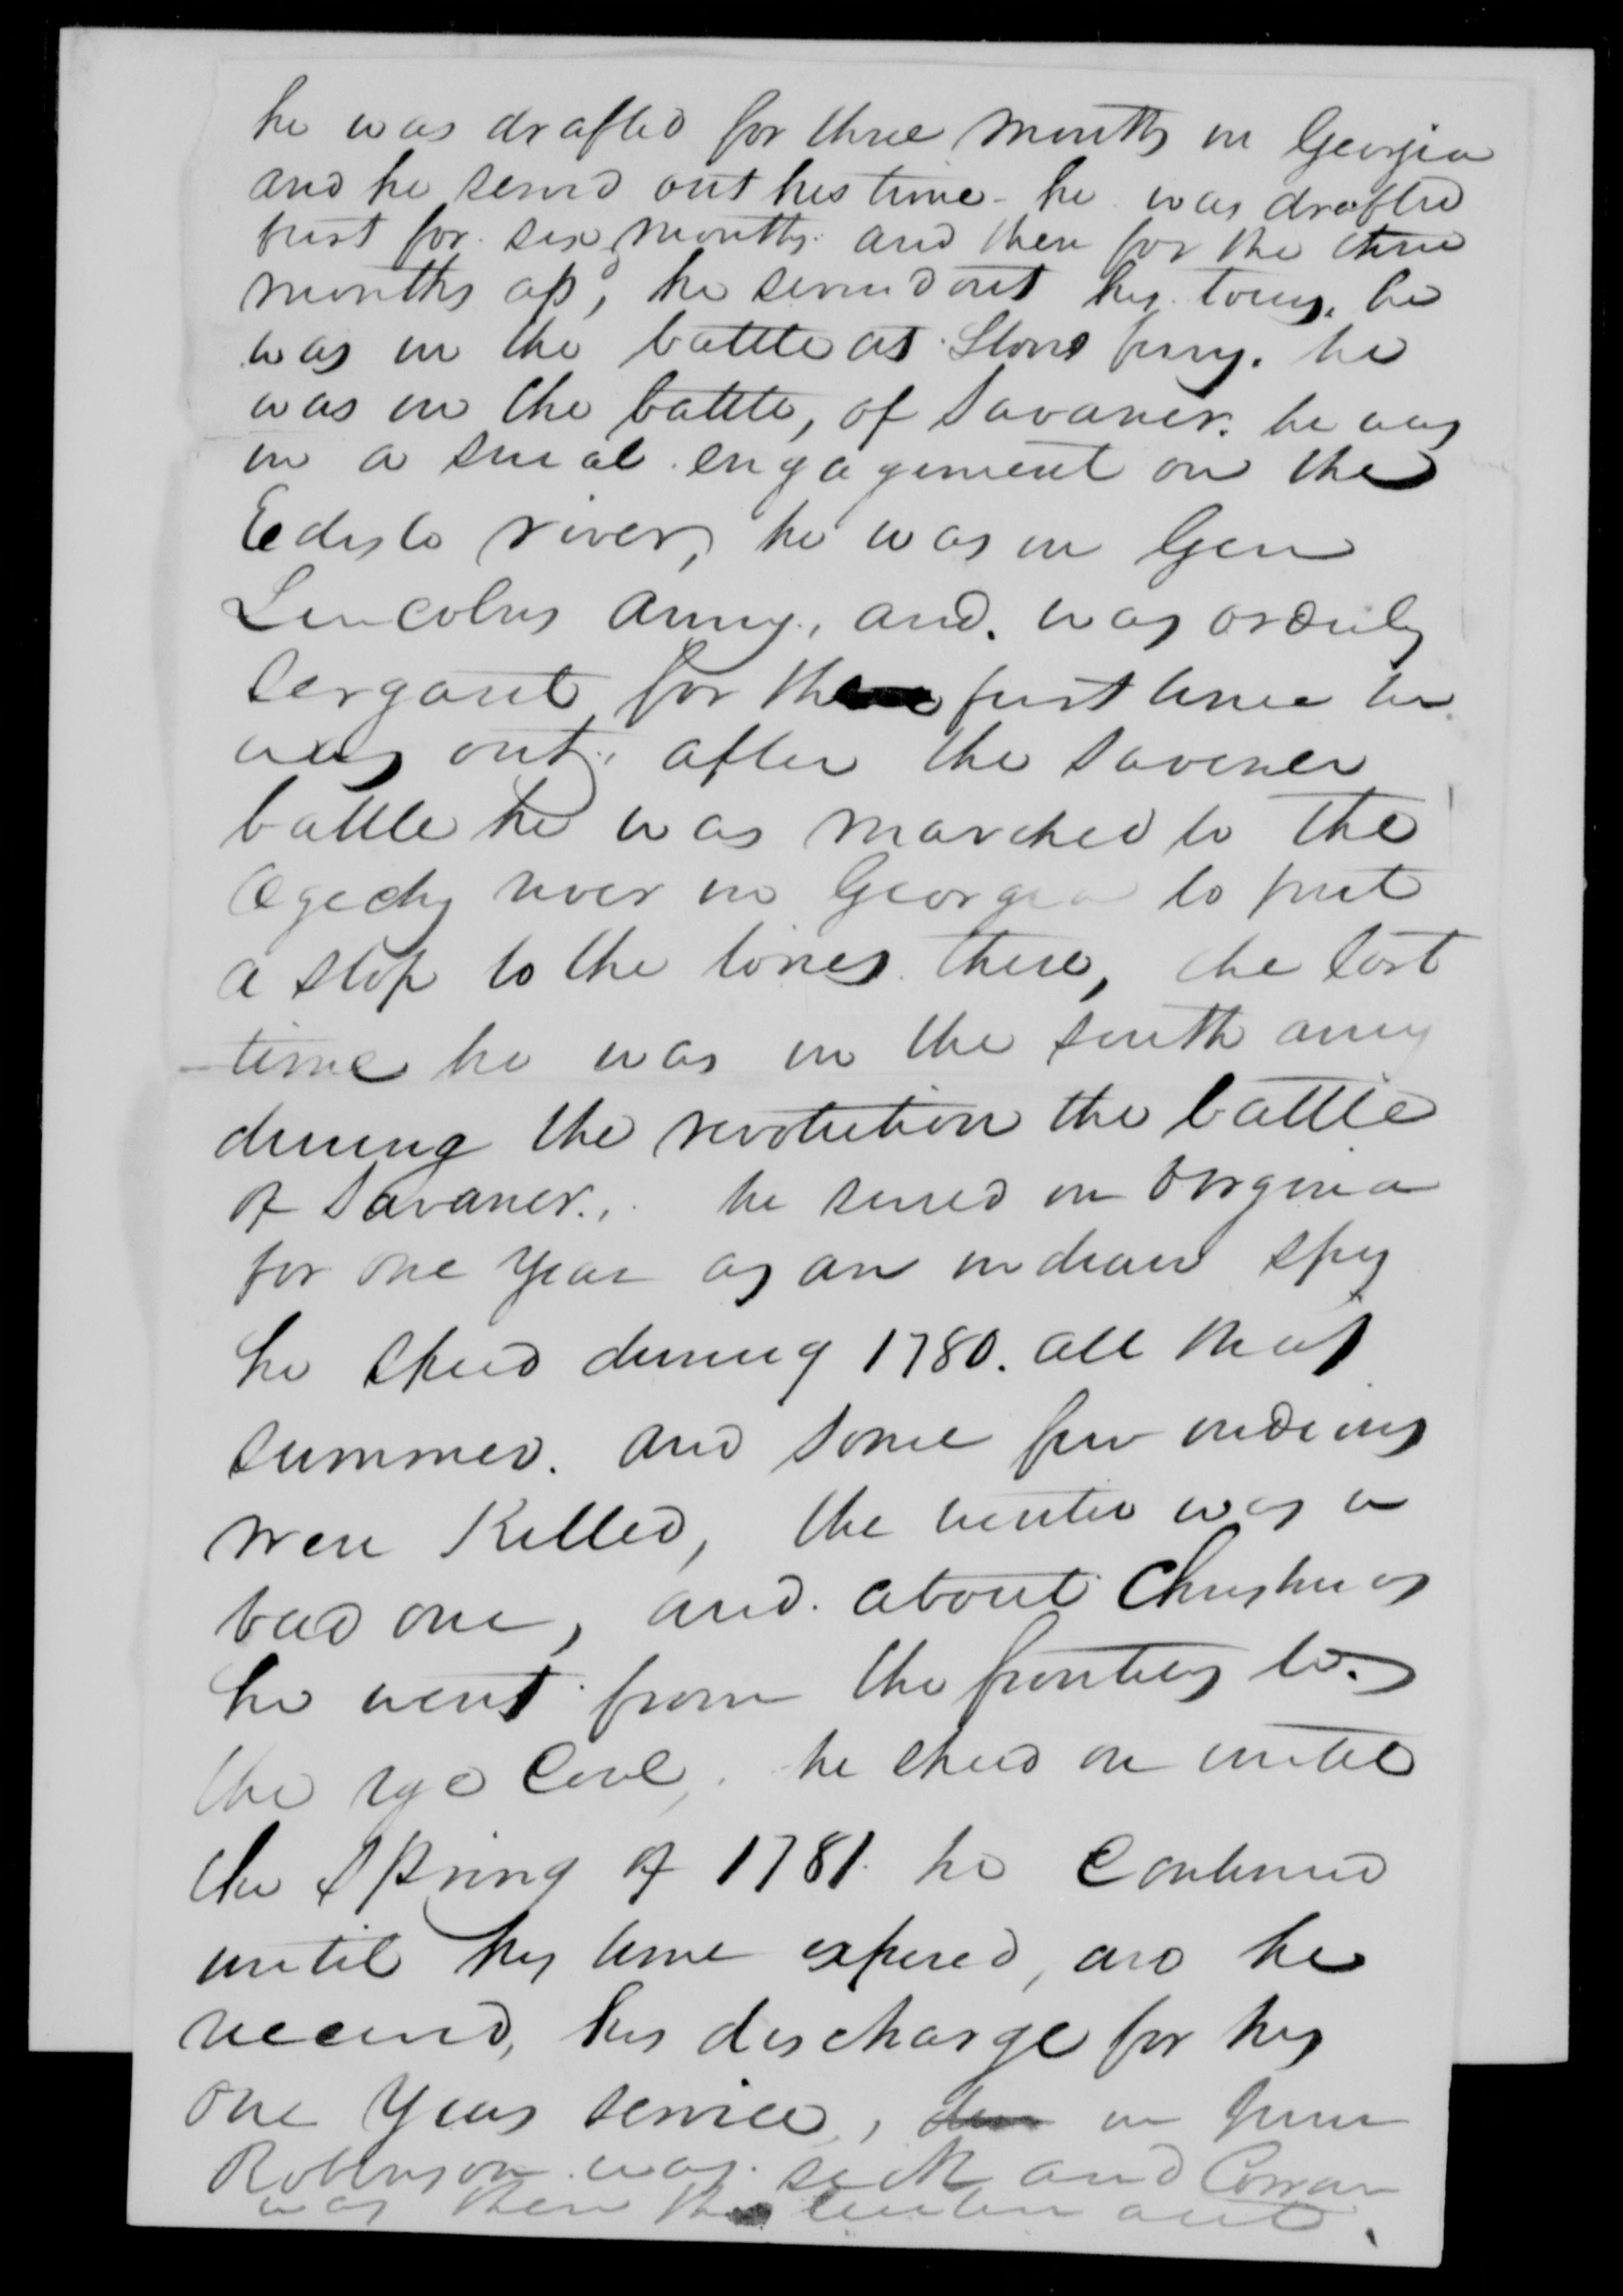he was drafted for three months in Georgia and he served out his time he was drafted first for six months and then for the the three months and, he served out his tours he was in the battle at Steno Ferry he was in the battle of Savaner ( Savannah ) he was in a rural engagement on the Edisto river he was in Gen Lincoln's army, and was orderly sergeant for the first time he was out after the Savaner (Savannah ) battle he was marched to the Ogechy ( Ogeechee ) river in Georgia to put a stop to the Tories there the last time he was in the south army during the revolution the battle of Savaner ( Savannah ) he served in Georgia for one year as an Indian spy he spied during 1780. All that summer and some few Indians were killed, the winter was a bad one, and about Christmas he went from the frontier to the rye cave he spied in until the spring of 1781 he Continued until his time expired and he received his discharge for his one year service in June Robinson was sick and Cowan was then the lieutenant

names: Cowan, Robinson, Lincoln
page: 28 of 100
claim: widow's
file: W. 6437, Richard Wells, Ga Va.